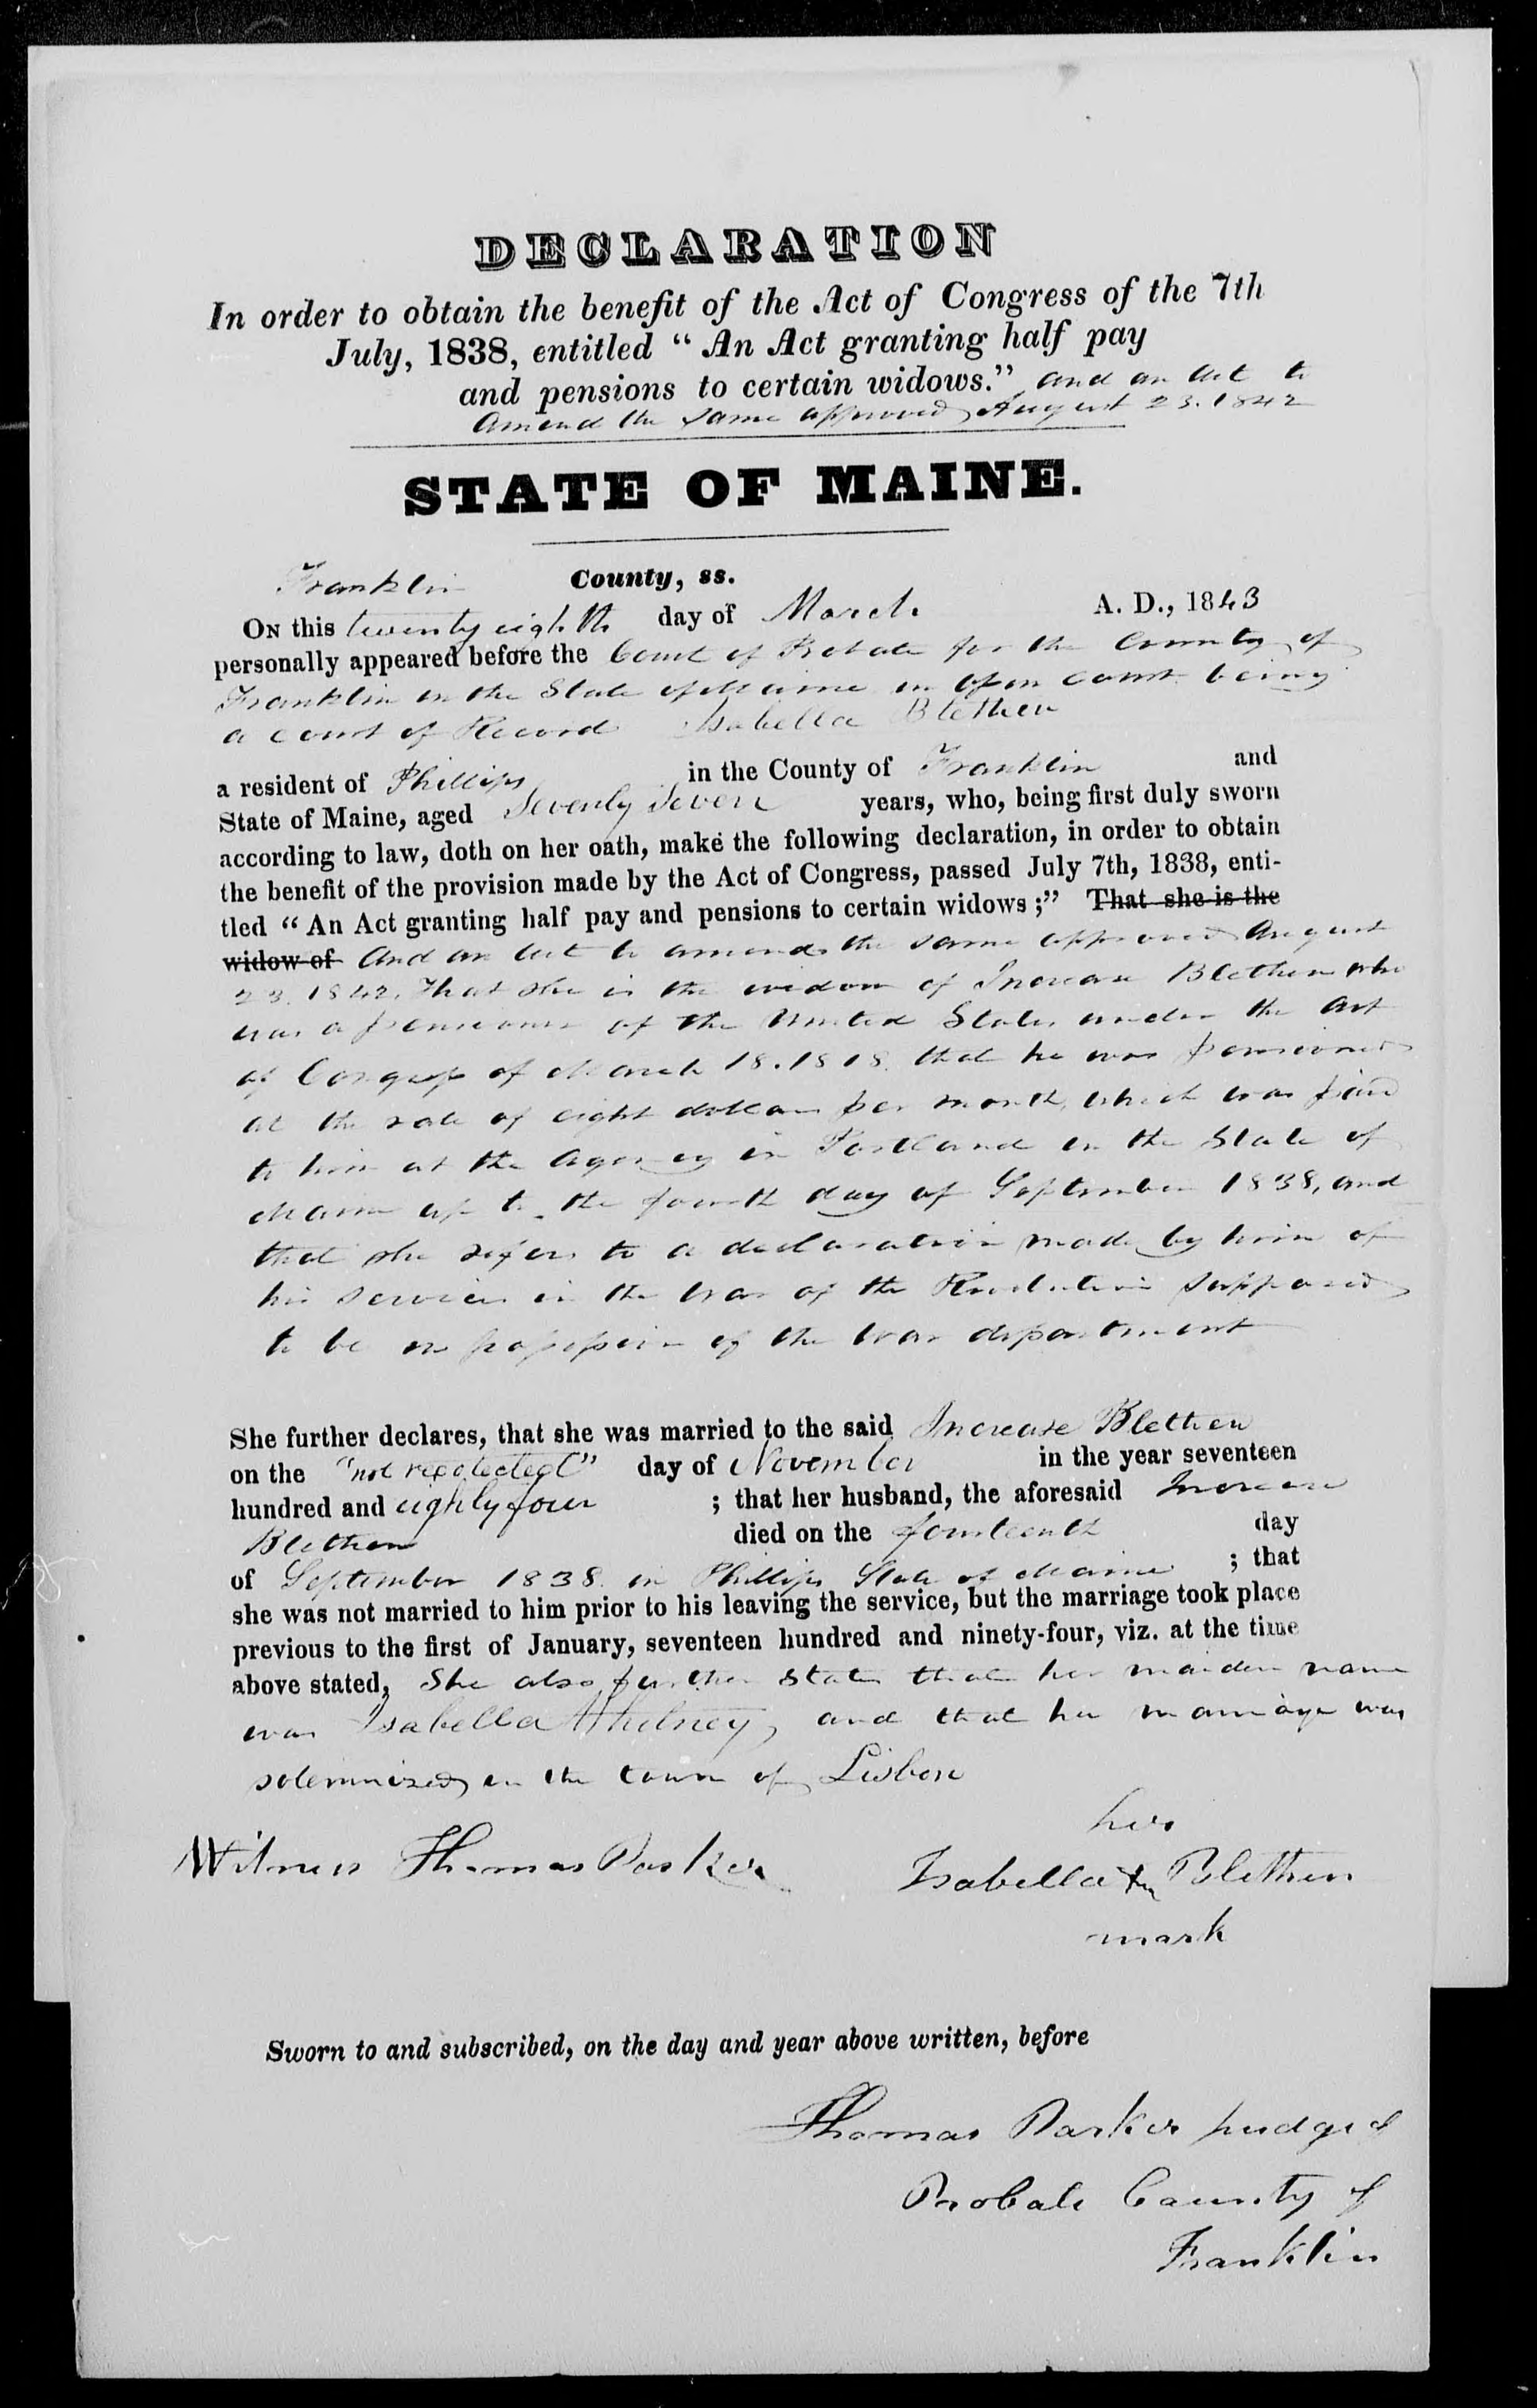DECLARATION
In order to obtain the benefit of the Act of Congress of the 7th
July, 1838, entitled "An Act granting half pay
and pensions to certain widow." and an act to
amend the same approved August 23 1842

STATE OF MAINE
Franklin County, ss.
On this twenty eighth day of March A. D., 1843
personally appeared before the Court of Rebate for the County of
Franklin in the State of Maine in open court being
a court of Record Isabella Blethen
a resident of Phillips in the County of Franklin and
State of Maine, aged Seventy Seven years, who, being first duly sworn
according to law, doth on her oath, make the following declaration, in order to obtain
the benefit of the provision made by the Act of Congress, passed July 7th, 1838, entitled
"An Act granting half pay and pensions to certain widows;" [crossed out: That she is the
widow of] And an act to amend the same approved August
22, 1842. That she is the widow of Increase Blethen who
was a pensioner of the United States under the act
of Congress of March 18, 1818 that he was pensioned
at the rate of eight dollars per month which was paid
to him at the agency in Portland in the state of
Maine up to the fourth day of September 1838, and
that she defers to the declaration made by him of his service in the War of the Revolution supposed
to be in possession of the war department

She further declares, that she was married to the said Increase Blethen
on the "not reported" day of November in the year seventeen
hundred and eighty four; that her husband, the aforesaid Increase
Blethen died on the Fourteenth day
of September 1838 in Phillips State of Maine; that
she was not married to him prior to his leaving the service, but the marriage took place
previous to the first of January, seventeen hundred and ninety-four, viz. at the time
above stated, she also further states that her maiden name 
was Isabella Whitney, and that her marriage was
solemnized in the town of Lisbon

Witness Thomas Parker     Isabella [her X mark] Blethen

 Sworn to and subscribed, on the day and year above written, before
Thomas Parker Judge of
Probate County of Franklin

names: Thomas Pasker, Increase Blethen, Isabella Blethen, Isabella Whitney, Thomas Parker, Increase Blethen, Isabella Blethen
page: 29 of 39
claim: widow's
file: W. 23,621, Increase Blethen, Mass.